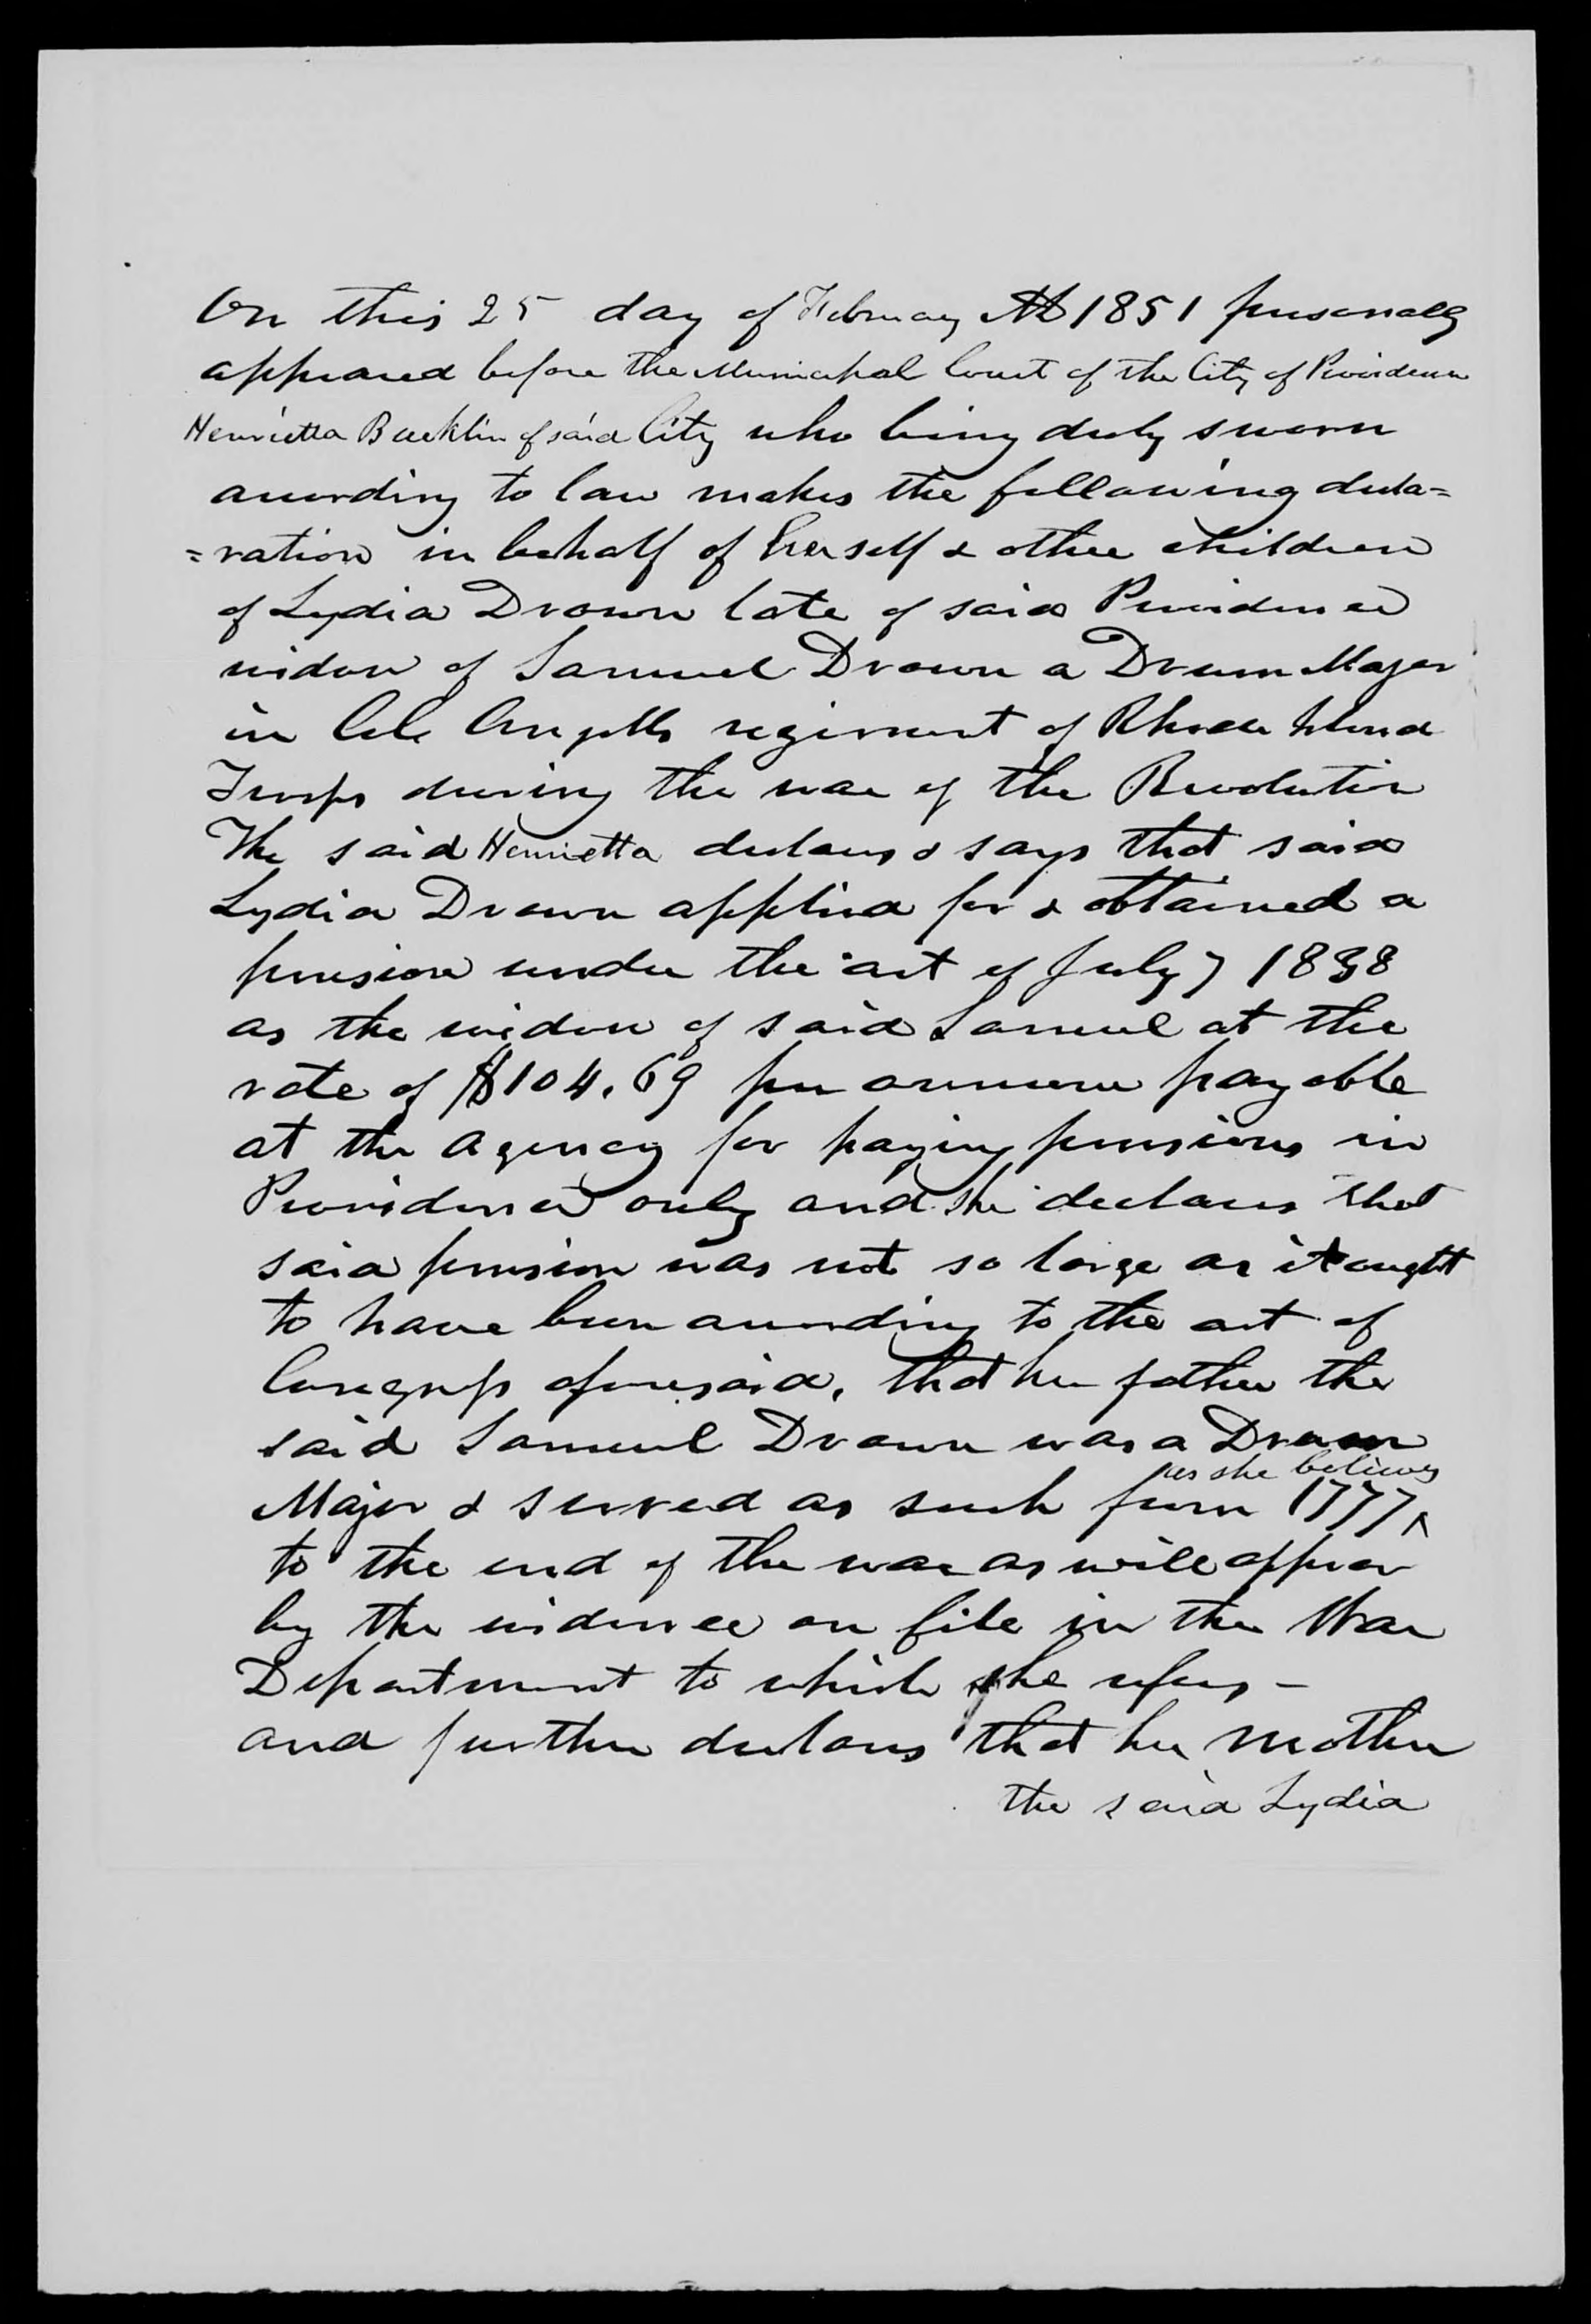On this 25 day of February AD 1851 personally
appeared before the Municipal Court of the City of Providence Henrietta Bucklin of said City who being duly sworn according to law makes the following declaration in behalf of herself & other children
of Lydia Drown late of said Providence
widow of Samuel Drown a Drum Mayer
in Col Angells regiment of Rhode Island
Troops during the war of the Revolution
The said Henrietta declares & says that said
Lydia Drown applied for & obtained a
pension under the act of July 7 1838
as the widow of said Samuel at the
rate of $104.69 per annum payable
at the agency for paying pensions in
Providence only and she declares that
said pension was not so large as it ought
to have been according to the act of
Congress aforesaid, that her father the
said Samuel Drown was a Drum
Major & served as such from 1777 as she believes 
to the end of the war as will appear
by the evidence on file in the War
Department to which she refers - and 
further declares that her mother
the said Lydia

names: Henrietta, Lydia Drown, Samuel Drown, Henrietta Bucklin, Samuel Drown, Lydia Drown, Lydia, Samuel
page: 7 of 31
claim: widow's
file: W 21004, Samuel Drown, R.I.